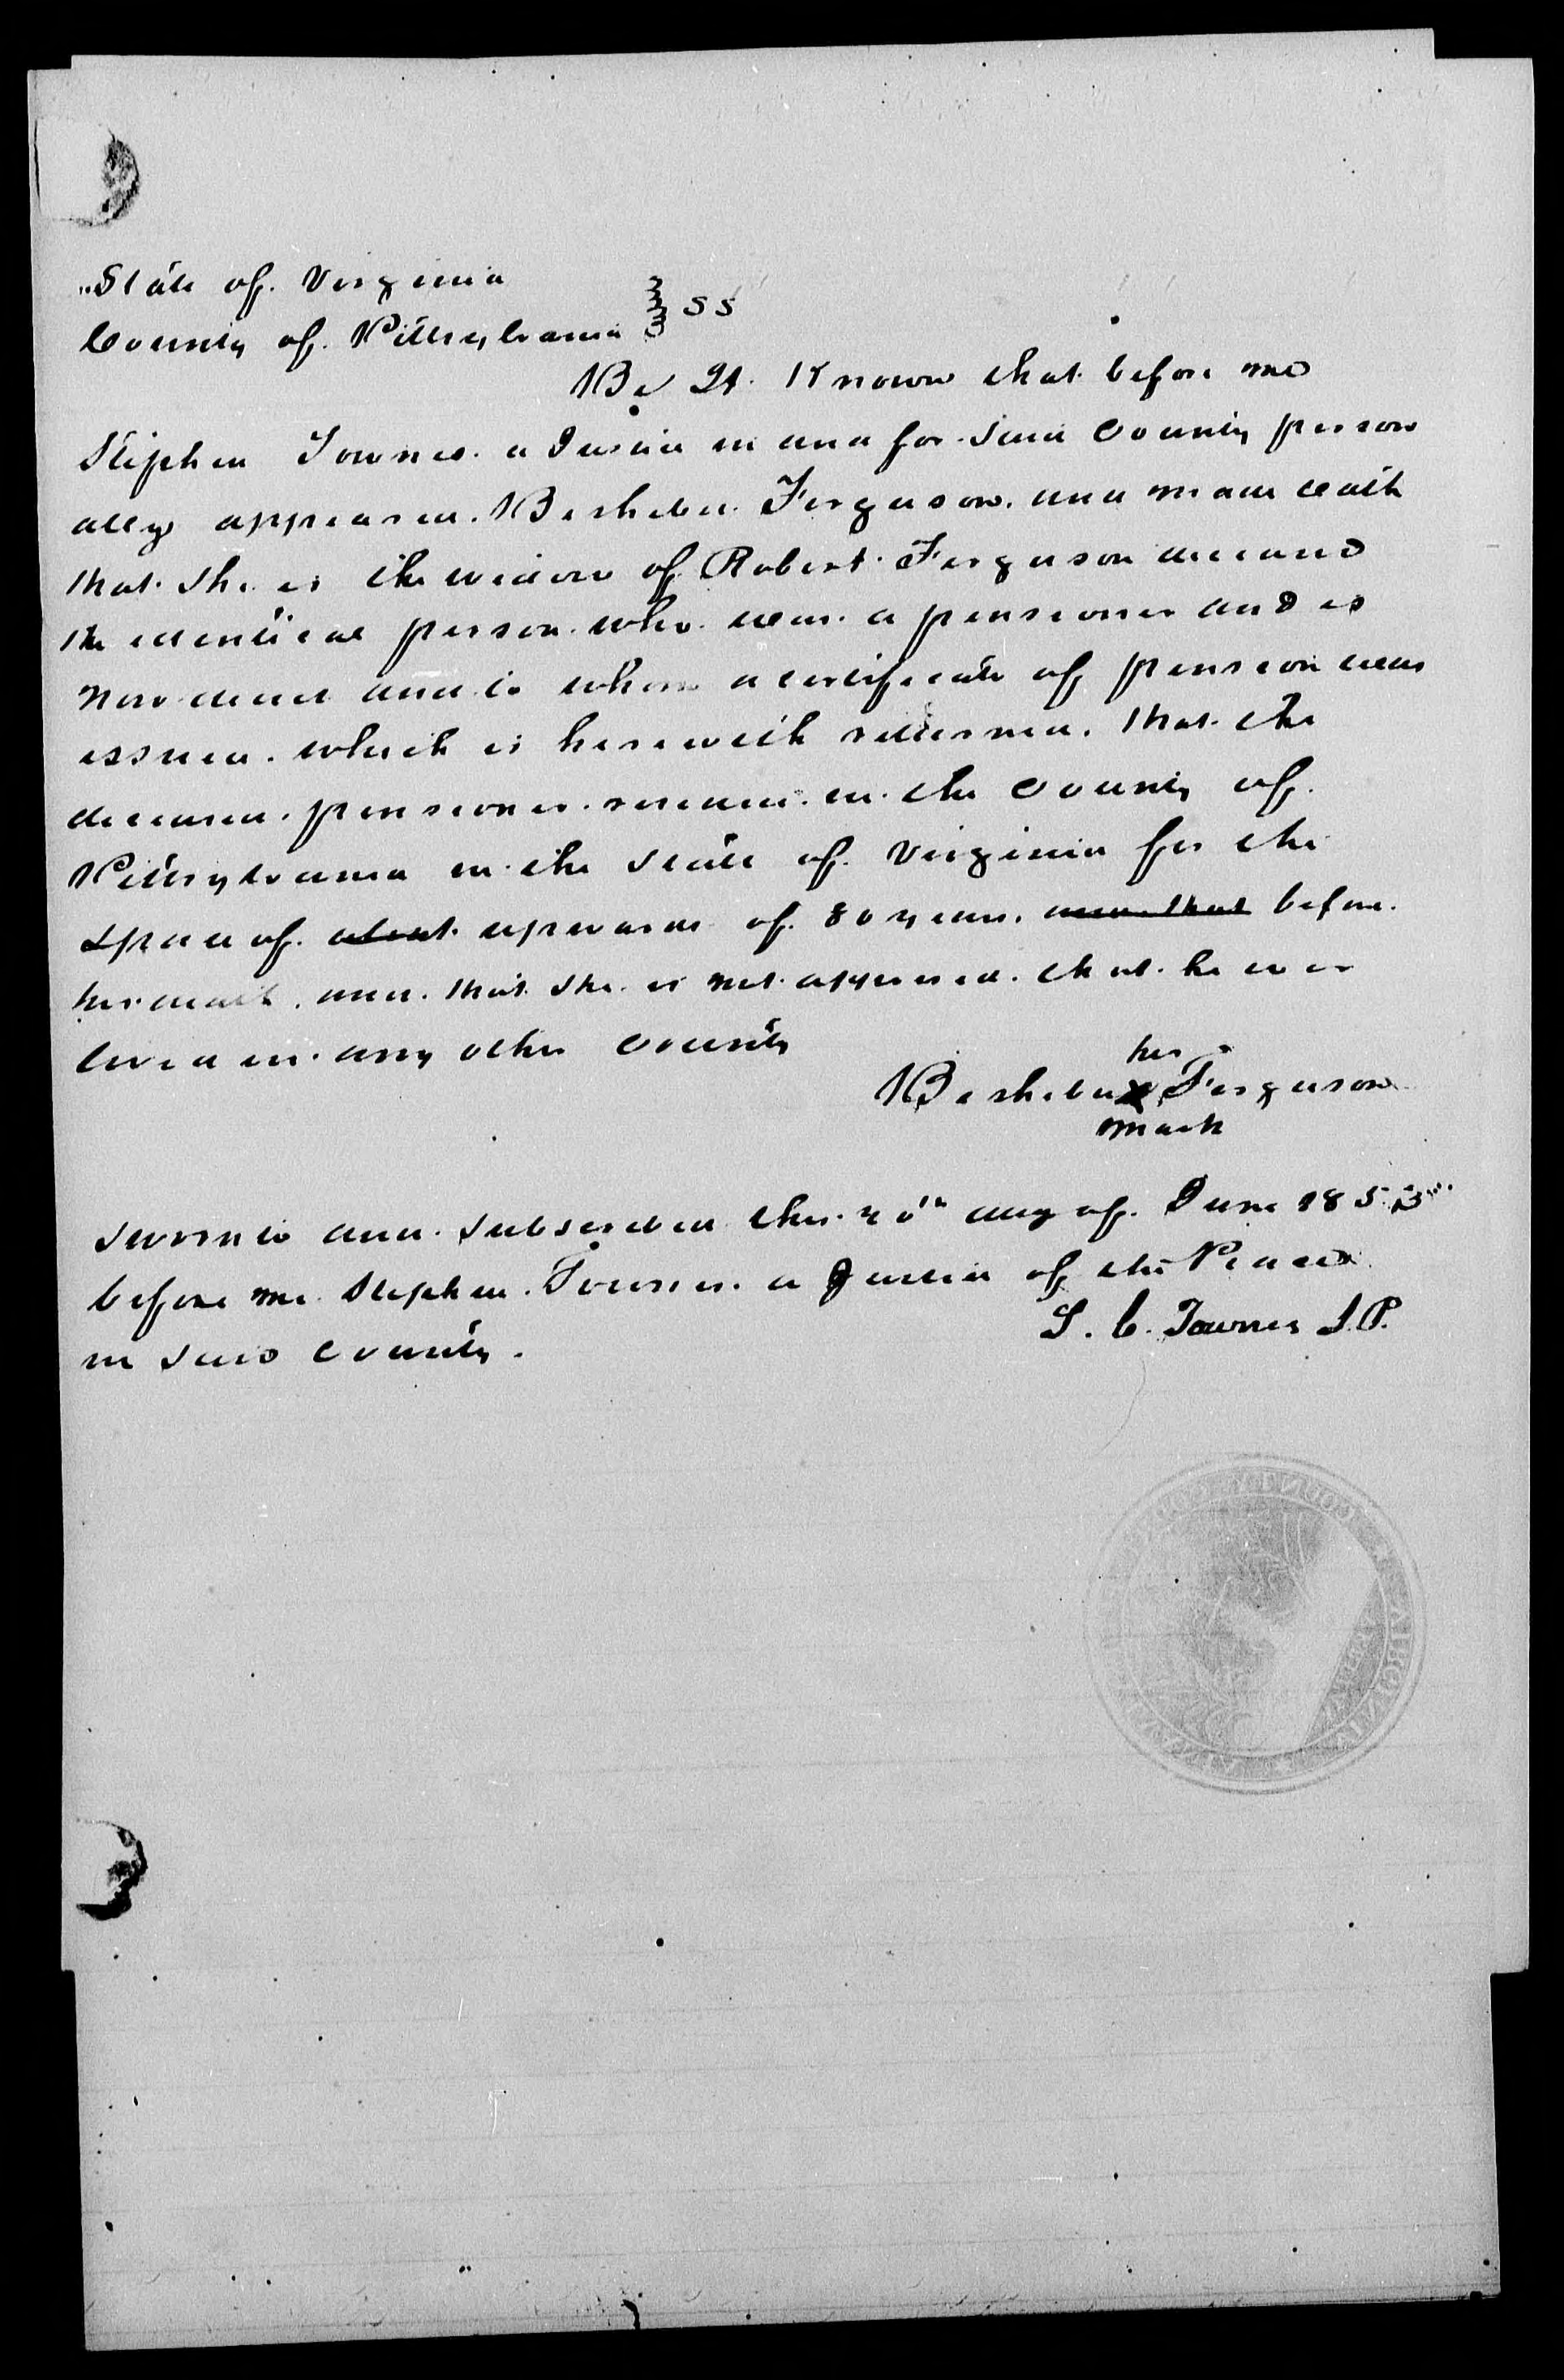State of Virginia
County of Pittsylvania
Be it Known that before me
Stephen Townes a Justice in and for said County personally appeared Basheba Ferguson [illegible] with
that she is the widow of Robert Ferguson and
the identical person who was a pensioner [illegible] and is
now dead and in whom a certificate of pension was
issued which is herewith returned that the
deceased pensioner in the County of
Pennsylvania in the state of Virginia for the
space of what upwards of 80 [?] years that before
her mail, and that she is not assessed that he
lived in any other County
her
Basheba Ferguson
mark
Sworn and subscribed this 10th day of June 1853
before me Stephen Turner a Justice of the Peace
in said County
S. C. Townes J.P.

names: Stephen Townes, Robert Ferguson, S C Townes, Stephen Townes, Besheba Ferguson, Besheba Ferguson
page: 69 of 81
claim: widow's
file: W. 7262, Robert Ferguson, Va.